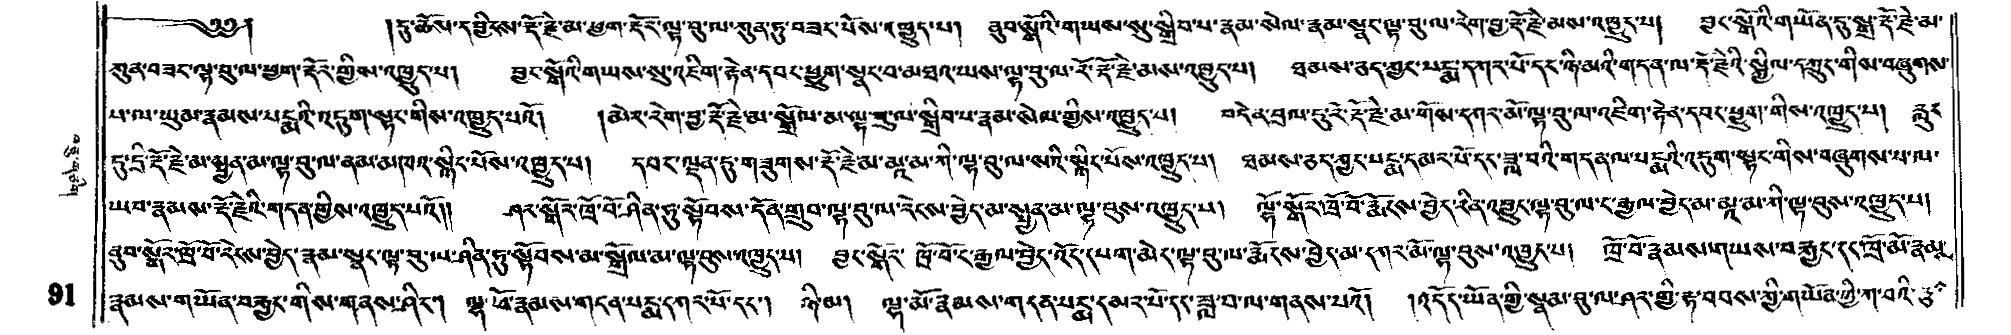༄༅། །དུ་ཆོས་དབྱིངས་རྡོ་རྗེ་མ་ཕྱག་རྡོར་ལྟ་བུ་ལ་ཀུན་ཏུ་བཟང་པོས་འཕྱུད་པ། ནུབ་སྒོའི་གཡས་སུ་སྒྲིབ་པ་རྣམ་སེལ་རྣམ་སྣང་ལྟ་བུ་ལ་རེག་བྱ་རྡོ་རྗེ་མས་འཁྱུད་པ། བྱང་སྒོའི་གཡོན་དུ་སྒྲ་རྡོ་རྗེ་མ་
ཀུན་བཟང་ལྟ་བུ་ལ་ཕྱག་རྡོར་གྱིས་འཁྱུད་པ། བྱང་སྒོའི་གཡས་སུ་འཇིག་རྟེན་དབང་ཕྱུག་སྣང་བ་མཐའ་ཡས་ལྟ་བུ་ལ་རྡོ་རྗེ་མས་འཁྱུད་པ། ཐམས་ཅད་ཀྱང་པདམ་དཀར་པོ་དང་ཉི་མའི་གདན་ལ་རྡོ་རྗེའི་སྐྱིལ་ཀྲུང་གིས་བཞུགས་
པ་ལ་ཡུམ་རྣམས་པདམའི་འདུག་སྟང་གིས་འཁྱུད་པའོ། །མེར་རེག་བྱ་རྡོ་རྗེ་མ་སྒྲོལ་མ་ལྟ་བུ་ལ་སྒྲིབ་པ་རྣམ་སེལ་གྱིས་འཁྱུད་པ། བདེན་བྲལ་དུ་རོ་རྡོ་རྗེ་མ་གོས་དཀར་མོ་ལྟ་བུ་ལ་འཇིག་རྟེན་དབང་ཕྱུག་གིས་འཁྱུད་པ། རླུང་
དུ་དྲི་རྡོ་རྗེ་མ་སྤྱན་མ་ལྟ་བུ་ལ་ནམ་མཁའ་སྙིང་པོས་འཁྱུད་པ། དབང་ལྡན་དུ་གཟུགས་རྡོ་རྗེ་མ་མཱ་མ་ཀི་ལྟ་བུ་ལ་སའི་སྙིང་པོས་འཁྱུད་པ། ཐམས་ཅད་ཁྱང་པདམ་དམར་པོ་དང་ཟླ་བའི་གདན་ལ་པདམའི་འདུག་སྟང་གིས་བཞུགས་པ་ལ་
ཡབ་རྣམས་རྡོ་རྗེའི་གདན་གྱིས་འཁྱུད་པའོ།། ཤར་སྒོར་ཁྲོ་བོ་ཤིན་ཏུ་སྟོབས་དོན་གྲུབ་ལྟ་བུ་ལ་རེངས་བྱེད་མ་སྤྱན་མ་ལྟ་བུས་འཁྱུད་པ། ལྷོ་སྒོར་ཁྲོ་བོ་རྨོངས་བྱེད་རིན་འབྱུང་ལྟ་བུ་ལ་ང་རྒྱལ་བྱེད་མ་མཱ་མ་ཀི་ལྟ་བུས་འཁྱུད་པ།
ནུབ་སྒོར་ཁྲོ་བོ་རེངས་བྱེད་རྣམ་སྣང་ལྟ་བུ་ལ་ཤིན་ཏུ་སྟོབས་མ་སྒྲོལ་མ་ལྟ་བུས་འཁྱུད་པ། བྱང་སྒོར་ཁྲོ་བོ་ང་རྒྱལ་བྱེད་འོད་དཔག་མེད་ལྟ་བུ་ལ་རྨོངས་བྱེད་མ་དཀར་མོ་ལྟ་བུས་འཁྱུད་པ། ཁྲོ་བོ་རྣམས་གཡས་བརྐྱང་དང་ཁྲོ་མོ་རྣམས་
རྣམས་གཡོན་བརྐྱང་གིས་གནས་ཤིང་། ལྷ་ཕོ་རྣམས་གདན་པདམ་དཀར་པོ་དང་། ཉི་མ། ལྷ་མོ་རྣམས་གདན་པདམ་དམར་པོ་དང་ཟླ་བ་ལ་གནས་པའོ། །འདོད་ཡོན་གྱི་སྣམ་བུ་ལ་ཤར་གྱི་རྟ་བབས་ཀྱི་གཡོན་ཕྱི་ཀ་བའི་རྩ་